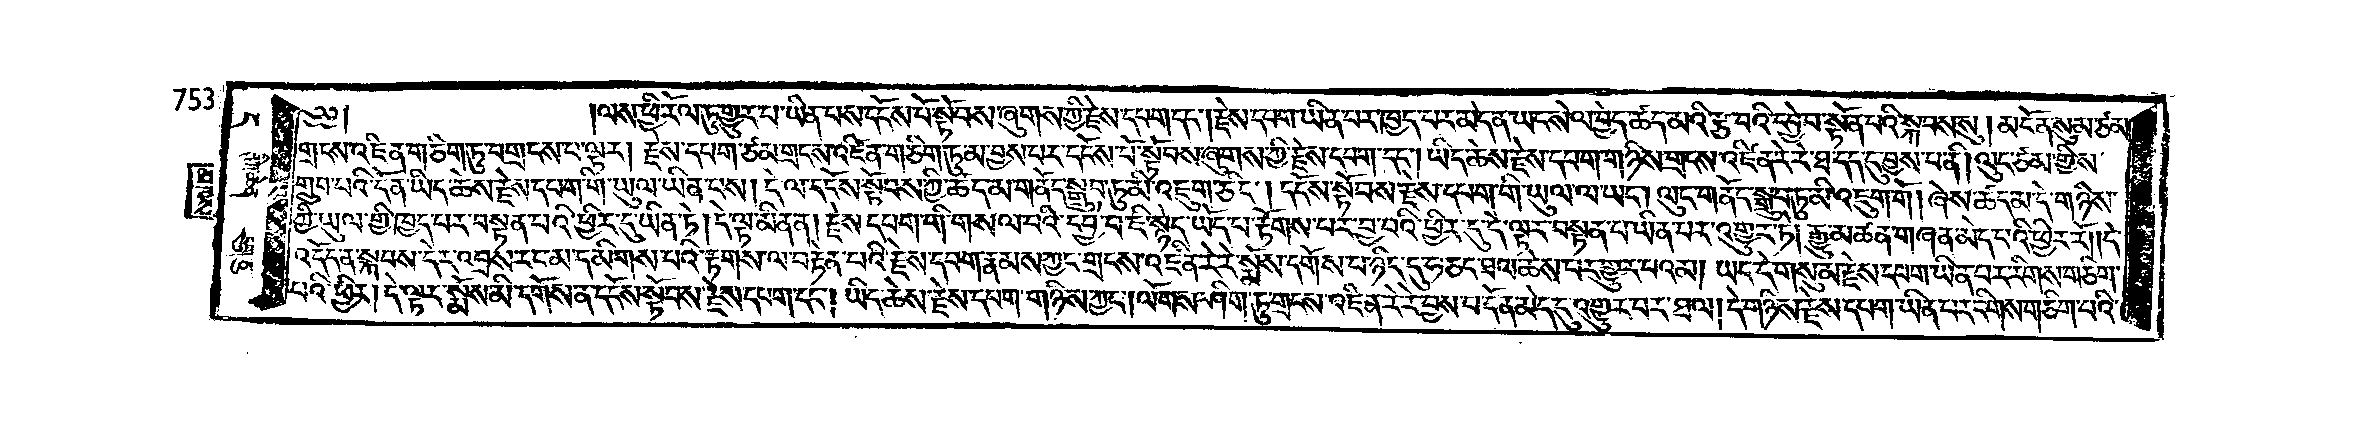༄༅། །ལས་ཕྱི་རོལ་ཏུ་གྱུར་བ་ཡིན་པས་དངོས་པོ་སྟོབས་ཞུགས་ཀྱི་རྗེས་དཔག་དང་། རྗེས་དཔག་ཡིན་པར་ཁྱད་པར་མེད་ན་ཡང་སེལ་བྱེད་ཚད་མའི་རྩ་བའི་དབྱེ་བ་སྟོན་པའི་སྐབས་སུ། མངོན་སུམ་ཙམ་
གྲངས་འཛིན་གཅིག་ཏུ་བགྲངས་པ་ལྟར། རྗེས་དཔག་ཙམ་གྲངས་འཛིན་གཅིག་ཏུ་མ་བྱས་པར་དངོས་པོ་སྟོབས་ཞུགས་ཀྱི་རྗེས་དཔག་དང་། ཡིད་ཆེས་རྗེས་དཔག་གཉིས་གྲངས་འཛིན་རེ་རེ་ཐ་དད་དུ་བྱས་པ་ནི། ལུང་ཙམ་གྱིས་
གྲུབ་པའི་དོན་ཡིད་ཆེས་རྗེས་དཔག་གི་ཡུལ་ཡིན་པས། དེ་ལ་དངོས་སྟོབས་ཀྱི་ཚད་མ་གནོད་སྒྲུབ་ཏུ་མི་འཇུག་ཅིང་། དངོས་སྟོབས་རྗེས་དཔག་གི་ཡུལ་ལ་ཡང་། ལུང་གནོད་སྒྲུབ་ཏུ་མི་འཇུག་གོ། ཞེས་ཚད་མ་དེ་གཉིས་
ཀྱི་ཡུལ་གྱི་ཁྱད་པར་བསྟན་པའི་ཕྱིར་དུ་ཡིན་ཏེ། དེ་ལྟ་མིན་ན། རྗེས་དཔག་གི་གསལ་བའི་དབྱེ་བ་ཇི་སྙེད་ཡོད་པ་རྟོགས་པར་བྱ་བའི་ཕྱིར་དུ་དེ་ལྟར་བསྟན་པ་ཡིན་པར་འགྱུར་ཏེ། རྒྱུ་མཚན་གཞན་མེད་པའི་ཕྱིར་རོ། །དེ་
འདོད་ན་སྐབས་དེར་འབྲས་རང་མ་དམིགས་པའི་རྟགས་ལ་བརྟེན་པའི་རྗེས་དཔག་རྣམས་ཀྱང་གྲངས་འཛིན་རེ་རེ་སྨོས་དགོས་པ་ཉིད་དུ་ཧ་ཅང་ཐལ་ཆེས་པར་གྱུར་བའམ། ཡང་དེ་གསུམ་རྗེས་དཔག་ཡིན་པར་རིགས་གཅིག་
པའི་ཕྱིར། དེ་ལྟར་སྨོས་མི་དགོས་ན་དངོས་སྟོབས་རྗེས་དཔག་དང་། ཡིད་ཆེས་རྗེས་དཔག་གཉིས་ཀྱང་། ལོགས་ཤིག་ཏུ་གྲངས་འཛིན་རེ་རེ་བྱས་པ་དོན་མེད་དུ་འགྱུར་བར་ཐལ། དེ་གཉིས་རྗེས་དཔག་ཡིན་པར་རིགས་གཅིག་པའི་